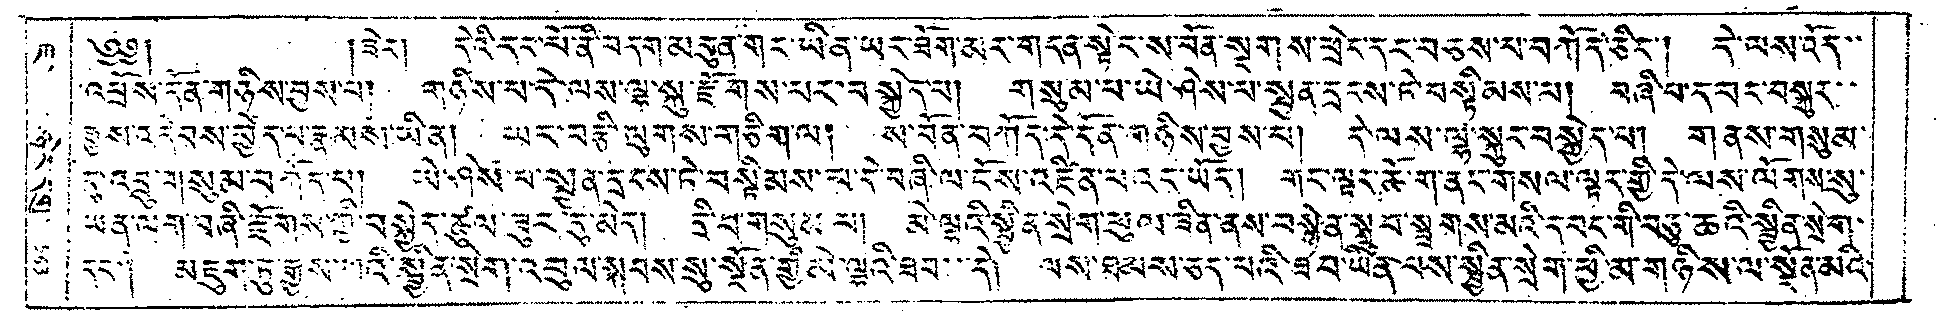༄༅། །ཟེར། དེའི་དང་པོ་ནི་བདག་མདུན་གང་ཡིན་ཡང་ཐོག་མར་གདན་སྟེང་ས་བོན་སྔགས་ཕྲེང་དང་བཅས་པ་བཀོད་ཅིང་། དེ་ལས་འོད་
འཕྲོས་དོན་གཉིས་བྱས་པ། གཉིས་པ་དེ་ལས་ལྷ་སྐུ་རྫོགས་པར་བསྐྱེད་པ། གསུམ་པ་ཡེ་ཤེས་པ་སྤྱན་དྲངས་ཏེ་བསྟིམས་པ། བཞི་པ་དབང་བསྐུར་
རྒྱས་འདེབས་བྱེད་པ་རྣམས་ཡིན། ཡང་བརྩི་ལུགས་གཅིག་ལ། ས་བོན་བཀོད་དེ་དོན་གཉིས་བྱས་པ། དེ་ལས་ལྷ་སྐུར་བསྐྱེད་པ། གནས་གསུམ་
དུ་འབྲུ་གསུམ་བཀོད་པ། ཡེ་ཤེས་པ་སྤྱན་དྲངས་ཏེ་བསྟིམས་པ་དེ་བཞི་ལ་ངོས་འཛིན་པའང་ཡོད། གང་ལྟར་ཆོ་ག་ནང་གསལ་ལྟར་གྱི་དེ་ལས་ལོགས་སུ་
ཡན་ལག་བཞི་རྫོགས་ཀྱི་བསྐྱེད་ཚུལ་ཟུར་དུ་མེད། དྲི་བ་གསུམ་པ། མེ་ལྷའི་སྤྱིན་སྲེག་ཕུལ་ཟིན་ནས་བསྙེན་སྒྲུབ་སྦྲགས་མའི་དབང་གི་བཅུ་ཆའི་སྦྱིན་སྲེག་
དང་། མཇུག་ཏུ་རྒྱས་པའི་སྦྱིན་སྲེག་འབུལ་སྐབས་སུ་སྔོན་གྱི་མེ་ལྷའི་ཐབ་དེ། ལས་ཐམས་ཅད་པའི་ཐབ་ཡིན་པས་སྦྱིན་སྲེག་ཕྱི་མ་གཉིས་ལ་སྔོན་མའི་